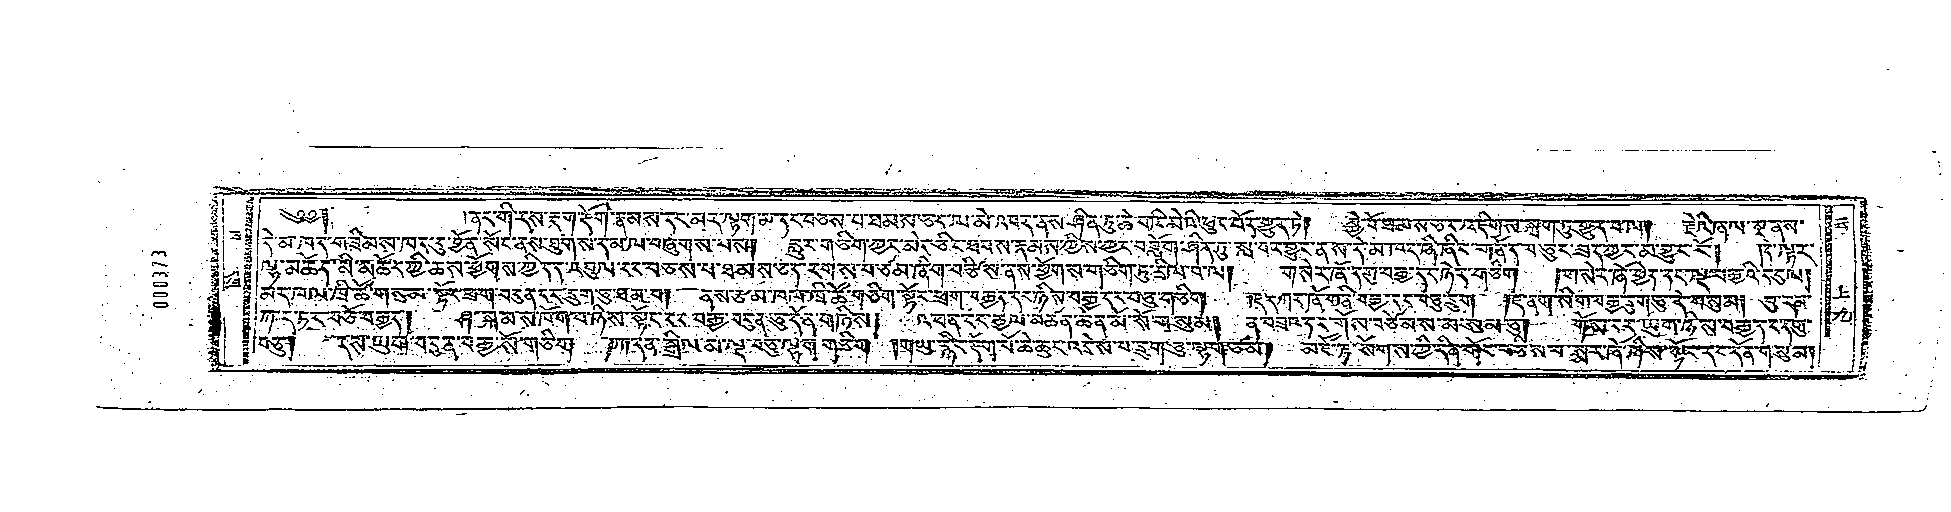༄༅། །ནང་གི་རས་རྫག་རྡོག་རྣམས་དང་མར་ལྟག་མ་དང་བཅས་པ་ཐམས་ཅད་ལ་མེ་འབར་ནས་ཤིན་ཏུ་ཆེ་བའི་མེའི་ཕུང་པོར་གྱུར་ཏེ། སྐྱེ་བོ་ཐམས་ཅད་འཇིགས་སྐྲག་ཏུ་གྱུར་པ་ལ། རྗེའི་ཞལ་སྔ་ནས་
དེ་མ་ཁང་གཟིམས་ཁང་དུ་བྱོན་སོང་ནས་ཐུགས་དམ་ལ་བཞུགས་པས། རླུང་གཅིག་ཀྱང་མེད་ཅིང་ཐབས་རྣམས་ཀྱིས་ཀྱང་བཟློག་ཤིན་ཏུ་སླ་བར་བྱུང་ནས་དེ་མ་ཁང་ཞི་ཞིང་གནོད་ལ་ཅུང་ཟད་ཀྱང་མ་བྱུང་ངོ། །ད་ལྟར་
ལྷ་མཆོད་མི་མཆོད་ཀྱི་ཆས་ཕྱོགས་ཀྱི་དད་འབུལ་དང་བཅས་པ་ཐམས་ཅད་རགས་པ་ཙམ་ཞིག་བརྩིས་ནས་ཕྱོགས་གཅིག་ཏུ་དྲིལ་བ་ལ། གསེར་ཞོ་དགུ་བརྒྱ་དང་ཉེར་གཅིག །གསེར་ཞོ་ཕྱེད་དང་ལྔ་བརྒྱའི་དངུལ།
མར་ཁལ་ཁྲི་ཚོ་གསུམ་སྟོང་ཕྲག་བདུན་དང་དྲུག་ཅུ་ཐམ་པ། ནས་རྩམ་ཁལ་ཁྲི་ཚོ་གཅིག་སྟོང་ཕྲག་བརྒྱད་དང་ཉིས་བརྒྱ་དང་བཅུ་གཅིག །ཇ་དཀར་ཞོ་བཞི་བརྒྱ་དང་བཅུ་དྲུག །ཇ་ནག་སིག་བརྒྱ་དྲུག་ཅུ་རེ་གསུམ། བུ་རམ་
ཀ་ད་ཏང་བཅོ་བརྒྱད། ཤ་སྐམས་ཁོག་བ་ཉིས་སྟོང་དང་བརྒྱ་བདུན་ཅུ་དོན་གཉིས། འཕན་དང་རྒྱལ་མཚན་ཆེན་མོ་སོ་གསུམ། ན་བཟའ་དང་གོས་བཙེམས་མ་སུམ་ཅུ། གོས་དར་ཡུ་གཉིས་བརྒྱ་དང་དགུ་
བཅུ། རས་ཡུག་བདུན་བརྒྱ་སོ་གཅིག །ཀ་དན་སྒྲིལ་མ་ལྔ་བཅུ་ལྷག་གཅིག །གཡུ་རྙིང་རྡོག་པོ་ཆེ་ཆུང་འདྲེས་པ་དྲུག་ཅུ་ལྷག་ཙམ། མཛོ་རྟ་སོགས་ཀྱི་རིན་གོང་བཙིས་པ་སྨར་ཞོ་ཉིས་སྟོང་དང་དོན་གསུམ།